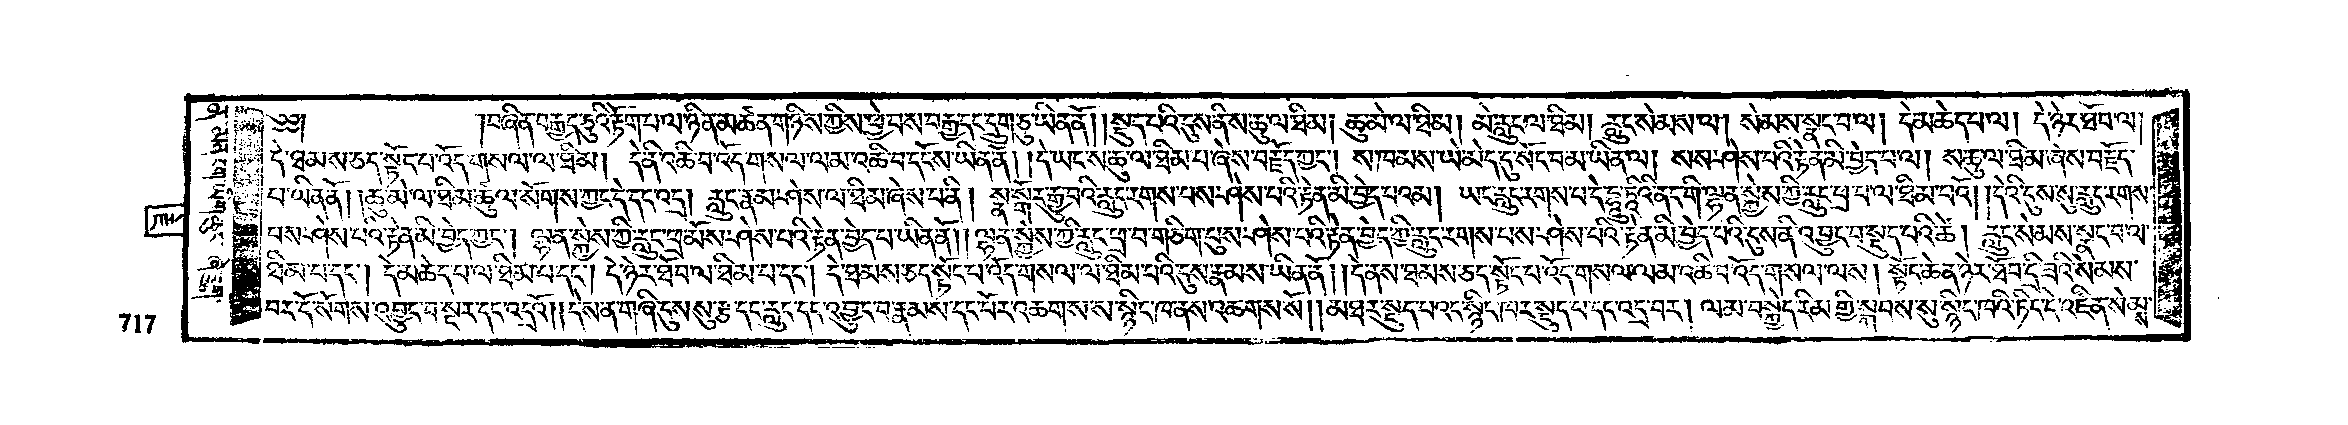༄༅། །བཞིན་བརྒྱད་ཅུའི་རྟོག་པ་ལ་ཉིན་མཚན་གཉིས་ཀྱིས་ཕྱེ་བས་བརྒྱ་དང་དྲུག་ཅུ་ཡིན་ནོ། །སྡུད་པའི་དུས་ནི་ས་ཆུ་ལ་ཐིམ། ཆུ་མེ་ལ་ཐིམ། མེ་རླུང་ལ་ཐིམ། རླུང་སེམས་ལ། སེམས་སྣང་བ་ལ། དེ་མཆེད་པ་ལ། དེ་ཉེར་ཐོབ་ལ།
དེ་ཐམས་ཅད་སྟོང་པ་འོད་གསལ་ལ་ཐིམ། དེ་ནི་འཆི་བ་འོད་གསལ་ལམ་འཆི་བ་དངོས་ཡིན་ནོ། །དེ་ཡང་ས་ཆུ་ལ་ཐིམ་པ་ཞེས་བརྗོད་ཀྱང་། ས་ཁམས་ཡེ་མེད་དུ་སོང་བ་མ་ཡིན་ལ། སས་ཤེས་པའི་རྟེན་མི་བྱེད་པ་ལ། ས་ཆུ་ལ་ཐིམ་ཞེས་བརྗོད་
པ་ཡིན་ནོ། །ཆུ་མེ་ལ་ཐིམ་ཚུལ་སོགས་ཀྱང་དེ་དང་འདྲ། རླུང་རྣམ་ཤེས་ལ་ཐིམ་ཞེས་པ་ནི། སྣ་སྒོར་རྒྱུ་བའི་རླུང་རགས་པས་ཤེས་པའི་རྟེན་མི་བྱེད་པའམ། ཡང་རླུང་རགས་པ་དེ་དྷཱུ་ཏཱིའི་ནང་གི་ལྷན་སྐྱེས་ཀྱི་རླུང་ཕྲ་བ་ལ་ཐིམ་པའོ། །དེའི་དུས་སུ་རླུང་རགས་
པས་ཤེས་པའི་རྟེན་མི་བྱེད་ཀྱང་། ལྷན་སྐྱེས་ཀྱི་རླུང་ཕྲ་མོས་ཤེས་པའི་རྟེན་བྱེད་པ་ཡིན་ནོ། །ལྷན་སྐྱེས་ཀྱི་རླུང་ཕྲ་བ་གཅིག་པུས་ཤེས་པའི་རྟེན་བྱེད་ཀྱི་རླུང་རགས་པས་ཤེས་པའི་རྟེན་མི་བྱེད་པའི་དུས་ནི་འབྱུང་བ་སྡུད་པའི་ཚེ། རླུང་སེམས་སྣང་བ་ལ་
ཐིམ་པ་དང་། དེ་མཆེད་པ་ལ་ཐིམ་པ་དང་། དེ་ཉེར་ཐོབ་ལ་ཐིམ་པ་དང་། དེ་ཐམས་ཅད་སྟོང་པ་འོད་གསལ་ལ་ཐིམ་པའི་དུས་རྣམས་ཡིན་ནོ། །དེ་ནས་ཐམས་ཅད་སྟོང་པ་འོད་གསལ་ལམ་འཆི་བ་འོད་གསལ་ལས། སྟོང་ཆེན་ཉེར་ཐོབ་དྲི་ཟའི་སེམས་
བར་དོ་སོགས་འབྱུང་བ་སྔར་དང་འདྲའོ། །དེས་ན་གཞི་དུས་སུ་རྩ་དང་རླུང་དང་འབྱུང་བ་རྣམས་དང་པོར་འཆགས་ས་སྙིང་ཁ་ནས་འཆགས་སོ། །མཐར་སྡུད་པའང་སྙིང་ཁར་སྡུད་པ་དང་འདྲ་བར། ལམ་བསྐྱེད་རིམ་གྱི་སྐབས་སུ་སྙིང་ཁའི་ཏིང་ངེ་འཛིན་སེམས་